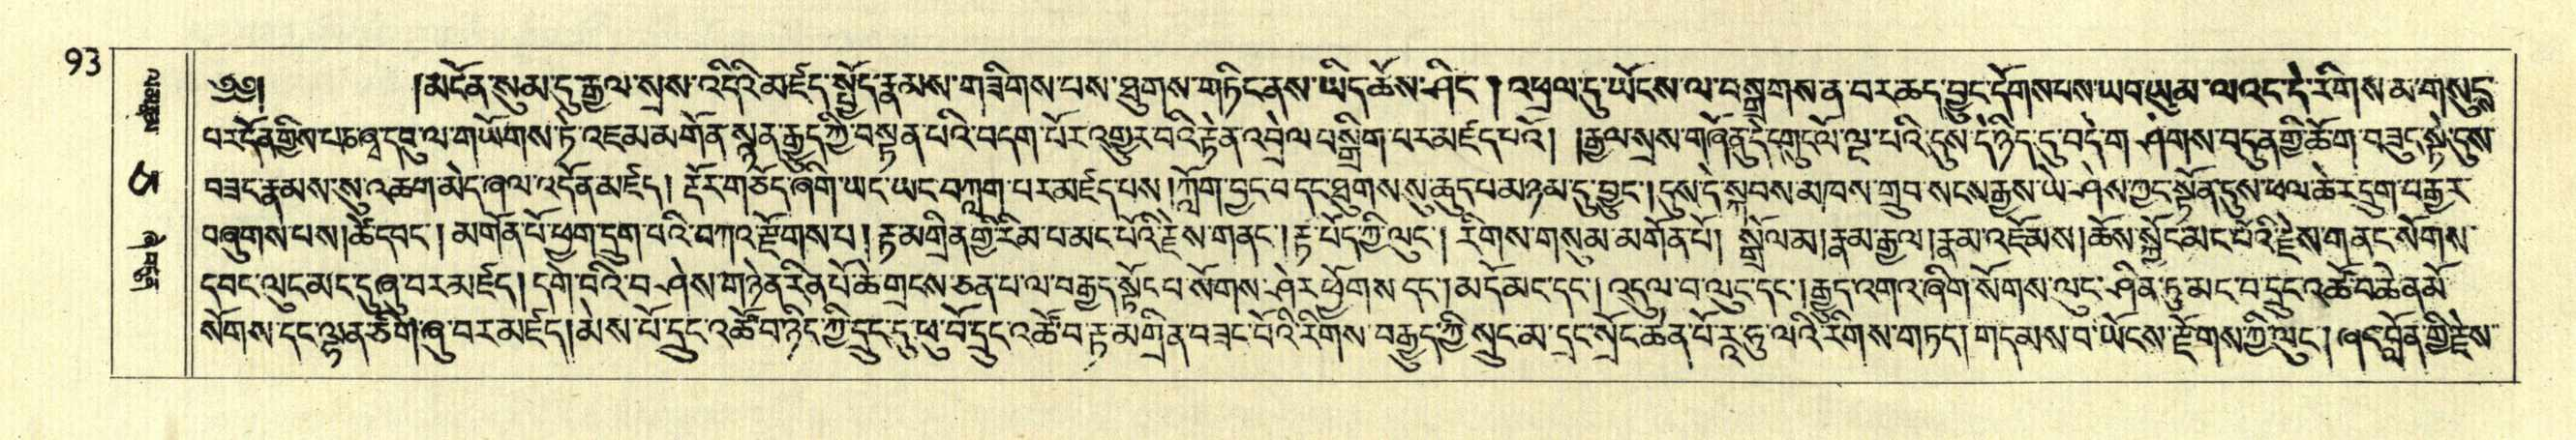༄༅། །མངོན་སུམ་དུ་རྒྱལ་སྲས་འདིའི་མཛད་སྤྱོད་རྣམས་གཟིགས་པས་ཐུགས་གཏིང་ནས་ཡིད་ཆོས་ཤིང་། འཕྲལ་དུ་ཡོངས་ལ་བསྒྲགས་ན་བར་ཆད་བྱུང་དོགས་པས་ཡབ་ཡུམ་ལའང་དེ་རིགས་མ་གསུངས་
པར་དོན་གྱིས་པཎ་ཞྭ་དབུ་ལ་གཡོགས་ཏེ་འཇམ་མགོན་སྙན་རྒྱུད་ཀྱི་བསྟན་པའི་བདག་པོར་འགྱུར་བའི་རྟེན་འབྲེལ་བསྒྲིག་པར་མཛད་པའོ། །རྒྱལ་སྲས་གཞོན་ནུ་དེ་དགུང་ལོ་ལྔ་པའི་དུས་དེ་ཉིད་དུ་བདེ་གཤེགས་བདུན་གྱི་ཆོ་ག་བཟུང་སྟེ་དུས་
བཟང་རྣམས་སུ་འཆག་མེད་ཞལ་འདོན་མཛད། རྡོར་གཅོད་ཞིག་ཡང་ཡང་བཀླག་པར་མཛད་པས། ཀློག་བྱང་བ་དང་ཐུགས་སུ་ཆུད་པ་མཉམ་དུ་བྱུང་། དུས་དེ་སྐབས་མཁས་གྲུབ་སངས་རྒྱས་ཡེ་ཤེས་ཀྱང་སྟོན་དུས་ཕལ་ཆེར་དྲུག་པ་རྒྱར་
བཞུགས་པས། ཚེ་དབང་། མགོན་པོ་ཕྱག་དྲུག་པའི་བཀའ་རྫོགས་པ། རྟ་མགྲིན་གྱི་རིམ་པ་མང་པོའི་རྗེས་གནང་། རྟ་པོད་ཀྱི་ལུང་། རིགས་གསུམ་མགོན་པོ། སྒྲོལ་མ། རྣམ་རྒྱལ། རྣམ་འཇོམས། ཆོས་སྐྱོང་མང་པོའི་རྗེས་གནང་སོགས་
དབང་ལུང་མང་དུ་ཞུ་བར་མཛད། དགེ་བའི་བཤེས་གཉེན་རིན་པོ་ཆེ་གྲངས་ཅན་པ་ལ་བརྒྱད་སྟོང་པ་སོགས་ཤེར་ཕྱོགས་དང་། མདོ་མང་དང་། འདུལ་བ་ལུང་དང་། རྒྱུད་འགའ་ཞིག་སོགས་ལུང་ཤིན་ཏུ་མང་བ་དྲུང་འཚོ་བ་ཆེན་མོ་
སོགས་དང་ལྷན་ཅིག་ཞུ་བར་མཛད། མེས་པོ་དྲུང་འཚོ་བ་ཉིད་ཀྱི་དྲུང་དུ་ཕུ་བོ་དྲུང་འཚོ་བ་རྟ་མགྲིན་བཟང་པོའི་རིགས་བརྒྱུད་ཀྱི་སྲུང་མ་དྲང་སྲོང་ཆེན་པོ་རཱ་ཧུ་ལའི་རིགས་གཏད། གདམས་པ་ཡོངས་རྫོགས་ཀྱི་ལུང་། ཞང་བློན་གྱི་རྗེས་